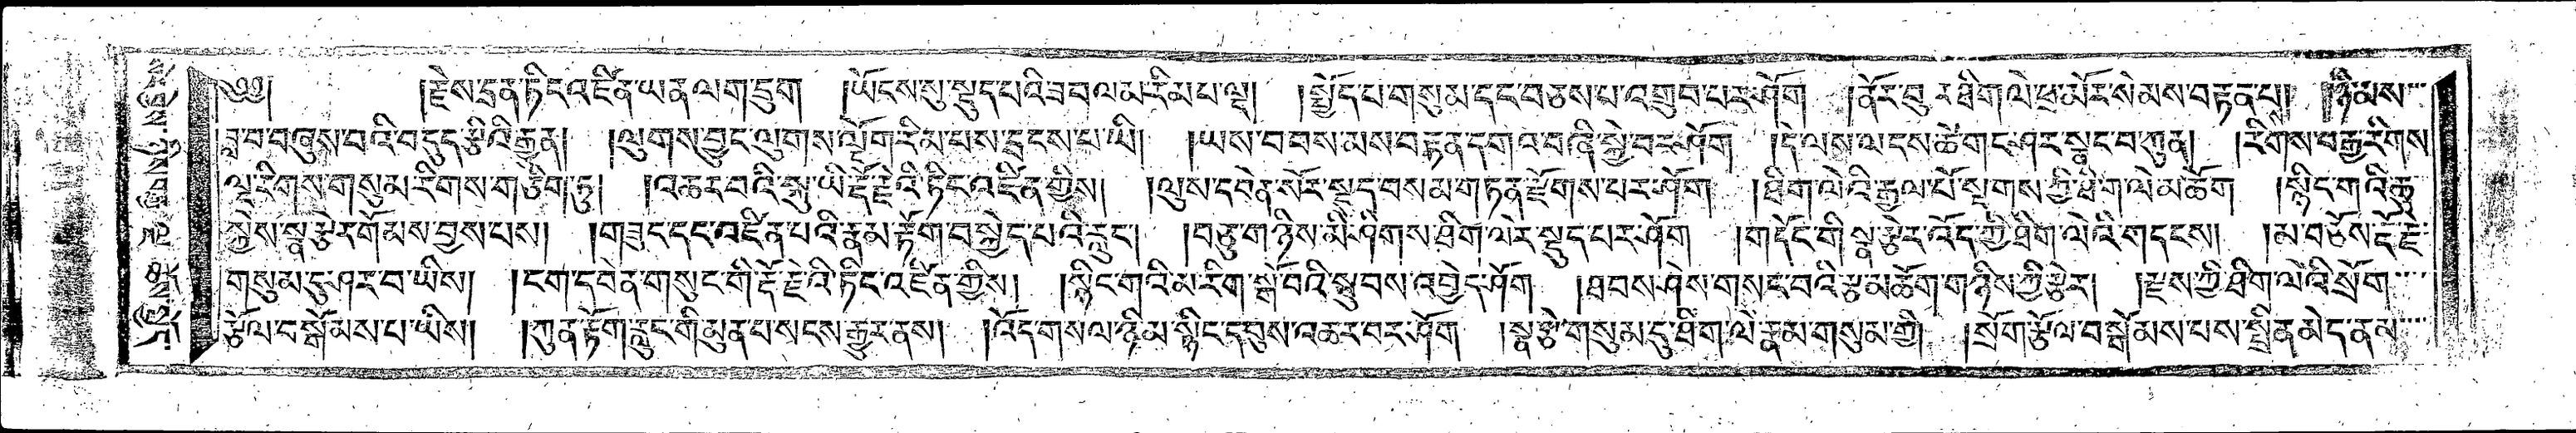༄༅། །རྗེས་དྲན་ཏིང་འཛིན་ཡན་ལག་དྲུག །ཡོངས་སུ་སྡུད་པའི་ཟབ་ལམ་རིམ་པ་ལྔ། །སྤྱོད་པ་གསུམ་དང་བཅས་པ་འགྲུབ་པར་ཤོག །ནོར་བུར་ཐིག་ལེ་ཕྲ་མོར་སེམས་བརྟན་པས། །ཉི་མས་
ཟླ་བ་བཞུས་བའི་བདུད་རྩིའི་རྒྱུན། །ལུགས་བྱུང་ལུགས་ལྡོག་རིམ་པས་དྲངས་པ་ཡི། །ཡས་བབས་མས་བརྟན་དགའ་བཞི་སྐྱེ་བར་ཤོག །དེ་ལས་ལངས་ཚེ་གང་ཤར་སྣང་བ་ཀུན། །རིགས་བརྒྱ་རིགས་
ལྔ་རིགས་གསུམ་རིགས་གཅིག་ཏུ། །འཆར་བའི་སྐུ་ཡི་རྡོ་རྗེའི་ཏིང་འཛིན་གྱིས། །ལུས་དབེན་སོར་སྡུད་བསམ་གཏན་རྫོགས་པར་ཤོག །ཐིག་ལེའི་རྒྱལ་པོ་སྔགས་ཀྱི་ཐིག་ལེ་མཆོག །སྙིང་གའི་ཆུ་
སྐྱེས་སྣ་རྩེར་གོམས་བྱས་པས། །གཟུང་དང་འཛིན་པའི་རྣམ་རྟོག་བསྐྱེད་པའི་རླུང་། །བཅུ་གཉིས་མི་ཤིགས་ཐིག་ལེར་སྡུད་པར་ཤོག །གདོང་གི་སྣ་རྩེར་འོད་ཀྱི་ཐིག་ལེའི་གདངས། །མ་བཅོས་རྡོ་རྗེ་
གསུམ་དུ་ཤར་བ་ཡིས། །ངག་དབེན་གསུང་གི་རྡོ་རྗེའི་ཏིང་འཛིན་གྱིས། །སྙིང་གའི་མ་རིག་སྒོ་བའི་སླུབས་འབྱེད་ཤོག །ཐབས་ཤེས་གསང་བའི་རྩ་མཆོག་གཉིས་ཀྱི་རྩེར། །རྫས་ཀྱི་ཐིག་ལེའི་སྲོག་
རྩོལ་བསྒོམས་པ་ཡིས། །ཀུན་རྟོག་རླུང་གི་མུན་པ་སངས་རྒྱུར་ནས། །འོད་གསལ་ཉི་མ་སྙིང་དབུས་འཆར་བར་ཤོག །སྣ་རྩེ་གསུམ་དུ་ཐིག་ལེ་རྣམ་གསུམ་གྱི། །སྲོག་རྩོལ་བསྒོམས་པས་སྤྲིན་མེད་ནམ་